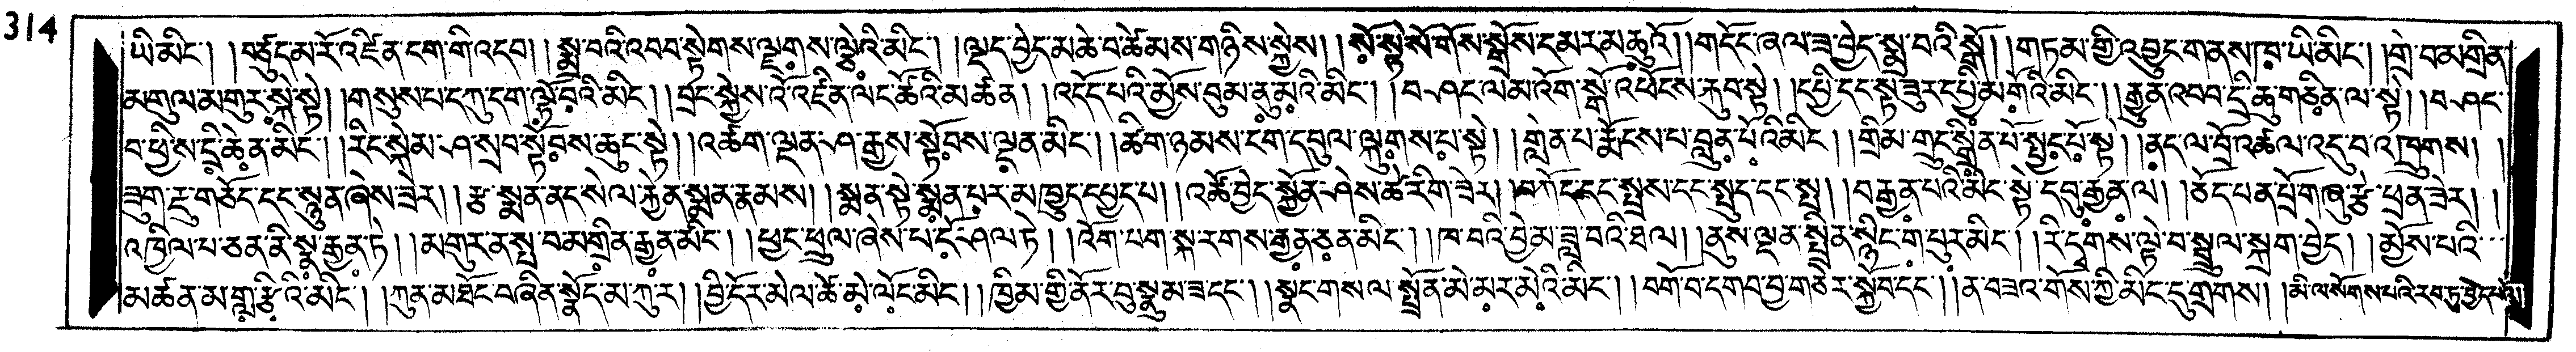ཡི་མིང་། །བཙུང་མ་རོ་འཛིན་ངག་གི་འདབ། །སྨྲ་བའི་འབབ་སྟེགས་ལྗགས་ལྕེའི་མིང་། ལྡད་བྱེད་མཆེ་བ་ཚེམས་གཉིས་སྐྱེས། །སོ་སྟེ་སོ་གོས་སྒྲོས་དམར་མཆུའོ། །གདོང་ཞ་ལ་ཟ་བྱེད་སྨྲ་བའི་སྒོ། །གཏམ་གྱི་འབྱུང་གནས་ཁ་ཡི་མིང་། །གྲེ་བ་མགྲིན་
མགུལ་མགུར་སྐེ་སྟེ། །གསུམ་པ་དགུ་དག་ལྟོ་བའི་མིང་། །བྲང་སྐྱེས་བོ་འཛིན་ལང་ཚོའི་མཚན། །འདོད་པའི་མྱོས་བུམ་ནུ་མའི་མིང་། །བཤང་ལེམ་འོག་སྒོ་འཕོངས་རྐུབ་སྟེ། །དབྱི་དང་སྟ་ཟུར་དབྱ་མགོའི་མིང་། །རྒྱུན་འབབ་དྲི་ཆུ་གཅིན་ལ་སྟེ། །བཤང་
པ་བྥྱིས་དྲི་ཆེན་མིང་། །རིང་སྐྲེམ་ཤ་སྲབ་སྟོབས་ཆུང་སྟེ། །འཆོག་ལྡན་ཤ་རྒྱས་སྟོབས་ལྡན་མིང་། །ཚིག་ཉམས་ངག་དབུལ་ལྐུགས་པ་སྟེ། །གླེན་པ་རྨོངས་པ་བླུན་པོའི་མིང་། །གྲིམ་གྲུང་སྒྲིམ་པོ་སྤྱང་པོ་སྟེ། ནད་ལ་བྲོ་འཚལ་འདུ་བ་འཁྲུགས། །
ཟུག་རྡུ་གཅོད་དང་སྙུན་ཞེས་ཟེར། །རྩ་སྨན་ནནད་སེལ་རྐྱེན་སྨན་རྣམས། །སྨན་སྟེ། སྨན་པར་མཁྱུད་དཔྱད་པ། །འཚོ་བྱེད་སྐྱོན་ཤེས་ཚེ་རིག་ཟེར། །བཀོད་དང་སྤུད་དང་སྤ། །བརྒྱན་པའི་མིང་སྟེ་དབུ་རྒྱན་ལ། །ཅོད་པན་པྲོ་གཞུ་རྩེ་ཕྲན་ཟེར། །
འཁྱིལ་པ་ཅན་ནི་སྣ་རྒྱན་ཏེ། །མགུར་ན་སྤ་བ་མགྲིན་རྒྱུན་མིང་། །ཕྱང་ཕྲུལ་ཞེས་པ་དོ་ཤལ་ཏེ། །འོག་པག་སྐ་རགས་རྒྱན་ཅན་མིང་། །ཁ་བའི་བྱེ་མ་ཟླ་བའི་ཐལ། །ནུས་ལྡན་སྤྲིན་སྙིང་ག་པུར་མིང་། །རི་དྭགས་ལྟེ་བ་སྤྲུལ་སྐྲག་བྱེད། །མྱོས་པའི་
མཚན་མ་གླ་ཙིའི་མིང་། །ཀུན་མཐོང་བཞིན་སྣོད་མ་ཀུར། །བྱི་དོར་མེ་ལ་ཚོ་མེ་ལོང་མིང་། །ཁྱིམ་གྱི་ནོར་བུ་སྣུ་མ་ཟ་དང་། སྣང་གསལ་སྤྲོན་མེ་མར་མེའི་མང་། །བགོ་བ་དགའ་བྱ་གཙར་སྐྱོབ་དང་། ན་བཟའ་གོས་ཀྱི་མིང་དུ་གྲགས། །མི་ལ་སོགས་པའི་རབ་ཏུ་བྱེད་པའི་